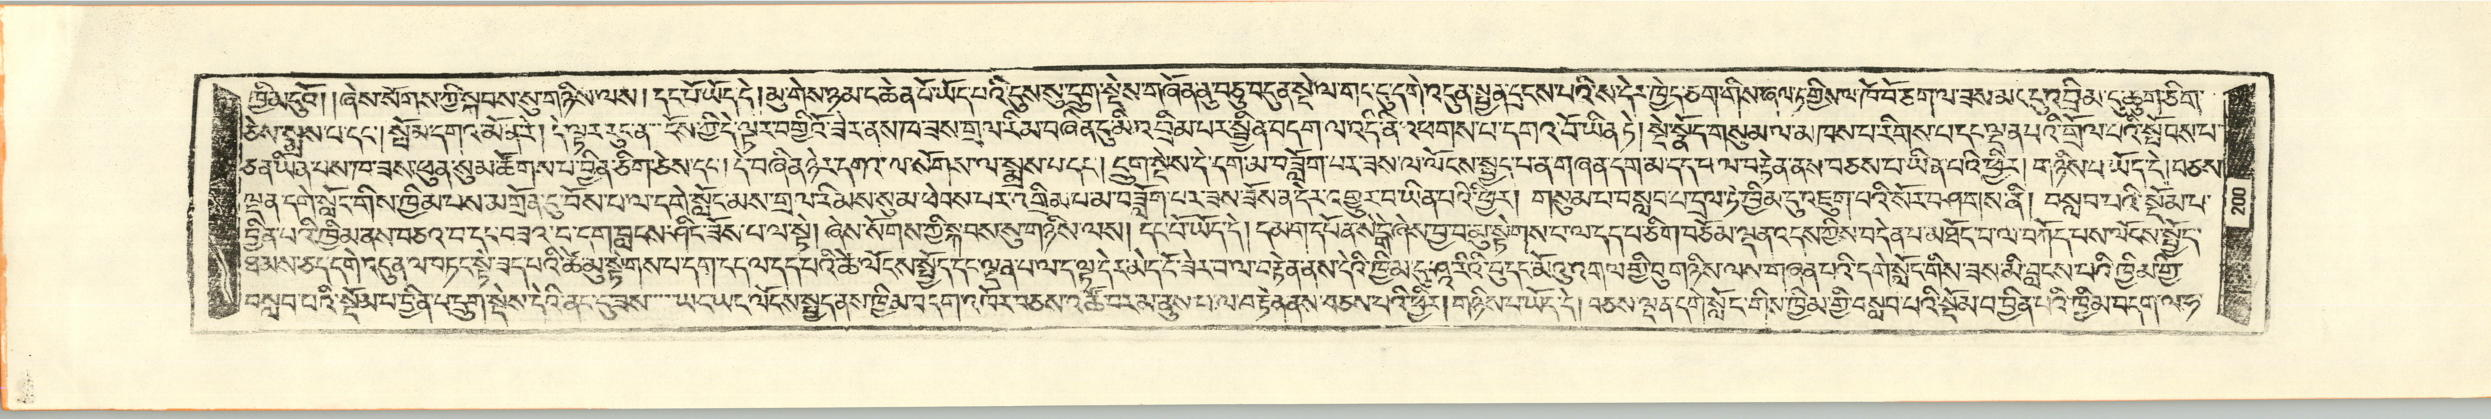ཁྱིམ་དུའོ། །ཞེས་སོགས་ཀྱི་སྐབས་སུ་གཉིས་ལས། དང་པོ་ཡོད་དེ། མུ་གེས་ཉམ་ང་ཆེན་པོ་ཡོད་པའི་དུས་སུ་དྲུག་སྡེས་གཞོན་ནུ་བཅུ་བདུན་སྡེ་ལ་གང་དུ་དགེ་འདུན་སྤྱན་དྲངས་པའི་ས་དེར་ཁྱེད་ཅག་གིས་ཞལ་ཏ་གྱིས་ལ་ཁོ་བོ་ཅག་ལ་ཟས་མང་དུ་འབྲིམ་དུ་ཆུག་ཅིག་
ཅེས་སྨྲས་པ་དང་། སྦོམ་དགའ་མོ་ན་རེ། དེ་ལྟར་རུང་ན་ངོས་ཀྱི་དེ་ལྟར་བགྱིའོ་ཟེར་ནས་ཁ་ཟས་གྲལ་རིམ་བཞིན་དུ་མི་འབྲིམ་པར་སྦྱིན་བདག་ལ་འདི་ནི་འཕགས་པ་དགའ་བོ་ཡིན་ཏེ། སྡེ་སྣོད་གསུམ་ལ་མཁས་པ་རིགས་པ་དང་ལྡན་པའི་གྲོལ་པའི་སྤོབས་པ་
ཅན་ཡིན་པས་ཁ་ཟས་ཕུན་སུམ་ཚོགས་པ་བྱིན་ཅིག་ཅེས་དང་། དེ་བཞིན་ཉེར་དགའ་ལ་སོགས་ལ་སྨྲས་པ་དང་། དྲུག་སྡེས་དེ་དག་མ་ཟློག་པར་ཟས་ལ་ལོངས་སྤྱད་པ་ན་གཞན་དག་མ་དད་པ་ལ་བརྟེན་ནས་བཅས་པ་ཡིན་པའི་ཕྱིར། གཉིས་པ་ཡོད་དེ། བཅས་
ལྡན་དགེ་སློང་གིས་ཁྱིམ་པས་མགྲོན་དུ་བོས་པ་ལ་དགེ་སློང་མས་གྲལ་རིམས་སུ་མ་ཕེབས་པར་འགྲིམ་པ་མ་བཟློག་པར་ཟས་ཟོས་ན་དེར་འགྱུར་བ་ཡིན་པའི་ཕྱིར། གསུམ་པ་བསླབ་པ་དྲལ་ཏེ་ཁྱིམ་དུ་འཇུག་པའི་སོར་བཤགས་ནི། བསླབ་པའི་སྡོམ་པ་
བྱིན་པའི་ཁྱིམ་ནས་བཅའ་བ་དང་བཟའ་བ་དག་བླངས་ཤིང་ཟོས་པ་ལ་སྟེ། ཞེས་སོགས་ཀྱི་སྐབས་སུ་གཉིས་ལས། དང་པོ་ཡོད་དེ། དམག་དཔོན་སེངྒེ་ཞེས་བྱ་བ་མུ་སྟེགས་པ་ལ་དད་པ་ཅིག་བཅོམ་ལྡན་འདས་ཀྱིས་བདེན་པ་མཐོང་བ་ལ་བཀོད་པས་ལོངས་སྦྱོད་
ཐམས་ཅད་དགེ་འདུན་ལ་བཏང་སྟེ་ཟད་པའི་ཚེ་མུ་སྟེགས་པ་དག་དད་ལ་དད་པའི་ཚེ་ལོངས་སྦྱོད་དང་ལྡན་པ་ལ་ད་ལྟ་དེར་མེད་ངོ་ཟེར་བ་ལ་བརྟེན་ནས་དེའི་ཁྱིམ་དུ་ཤཱ་རིའི་བུ་དང་མོའུ་འགལ་གྱི་བུ་གཉིས་ལས་གཞན་པའི་དགེ་སློང་གིས་ཟས་མི་བླངས་པའི་ཁྱིམ་གྱི་
བསླབ་པའི་སྡོམ་པ་བྱིན་པ་དྲུག་སྡེས་དེའི་ནང་དུ་ཟས་ཡང་ཡང་ལོངས་སྤྱད་ནས་ཁྱིམ་བདག་འཁོར་བཅས་འཚོ་བར་མ་ནུས་པ་ལ་བརྟེན་ནས་བཅས་པའི་ཕྱིར། གཉིས་པ་ཡོད་དེ། བཅས་ལྡན་དགེ་སློང་གིས་ཁྱིམ་གྱི་བསླབ་པའི་སྡོམ་པ་བྱིན་པའི་ཁྱིམ་བདག་ལ་ཧ་